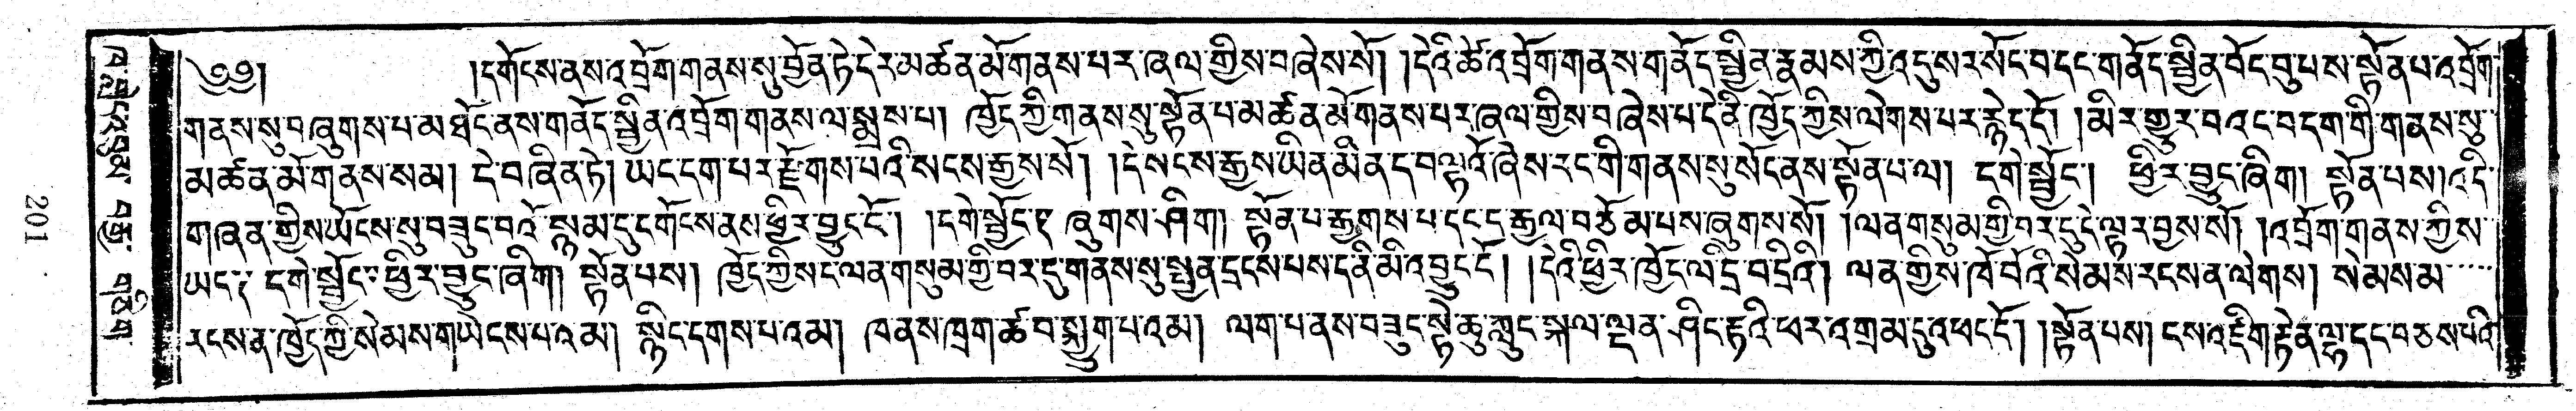༄༅། །དགོངས་ནས་འབྲོག་གནས་སུ་བྱོན་ཏེ་དེར་མཚན་མོ་གནས་པར་ཞལ་གྱིས་བཞེས་སོ། །དེའི་ཚེ་འབྲོག་གནས་གནོད་སྦྱིན་རྣམས་ཀྱི་འདུ་སར་སོང་བ་དང་གནོད་སྦྱིན་བོང་བུ་པས་སྟོན་པ་འབྲོག་
གནས་སུ་བཞུགས་པ་མཐོང་ནས་གནོད་སྦྱིན་འབྲོག་གནས་ལ་སྨྲས་པ། ཁྱོད་ཀྱི་གནས་སུ་སྟོན་པ་མཚན་མོ་གནས་པར་ཞལ་གྱིས་བཞེས་པ་དེ་ནི་ཁྱོད་ཀྱིས་ལེགས་པར་རྙེད་དོ། །མིར་གྱུར་བའང་བདག་གི་གནས་སུ་
མཚན་མོ་གནས་སམ། དེ་བཞིན་ཏེ། ཡང་དག་པར་རྫོགས་པའི་སངས་རྒྱས་སོ། །དེ་སངས་རྒྱས་ཡིན་མིན་ད་བལྟའོ་ཞེས་རང་གི་གནས་སུ་སོང་ནས་སྟོན་པ་ལ། དགེ་སྦྱོང་། ཕྱིར་བྱུང་ཞིག །སྟོན་པས། འདི་
གཞན་གྱིས་ཡོངས་སུ་བཟུང་བའོ་སྙམ་དུ་དགོངས་ནས་ཕྱིར་བྱུང་ངོ། །དགེ་སྦྱོང༑ ཞུགས་ཤིག །སྟོན་པ་རྒྱགས་པ་དང་ང་རྒྱལ་བཅོམ་པས་ཞུགས་སོ། །ལན་གསུམ་གྱི་བར་དུ་དེ་ལྟར་བྱས་སོ། །འབྲོག་གནས་ཀྱིས་
ཡང༑ དགེ་སྦྱོང༑ ཕྱིར་བྱུང་ཞིག །སྟོན་པས། ཁྱོད་ཀྱིས་ང་ལན་གསུམ་གྱི་བར་དུ་གནས་སུ་སྤྱན་དྲངས་པས་ད་ནི་མི་འབྱུང་ངོ། །དེའི་ཕྱིར་ཁྱོད་ལ་དྲི་བ་དྲིའི། ལན་གྱིས་ཁོ་བོའི་སེམས་རངས་ན་ལེགས། སེམས་མ་
རངས་ན་ཁྱོད་ཀྱི་སེམས་གཡེངས་བའམ། སྙིང་དགས་པའམ། ཁ་ནས་ཁྲག་ཚ་བ་སྐྱུག་པའམ། ལག་པ་ནས་བཟུང་སྟེ་ཆུ་ཀླུང་སྐལ་ལྡན་ཤིང་རྟའི་ཕར་འགྲམ་དུ་འཕང་ངོ། །སྟོན་པས། ངས་འཇིག་རྟེན་ལྷ་དང་བཅས་པའི་